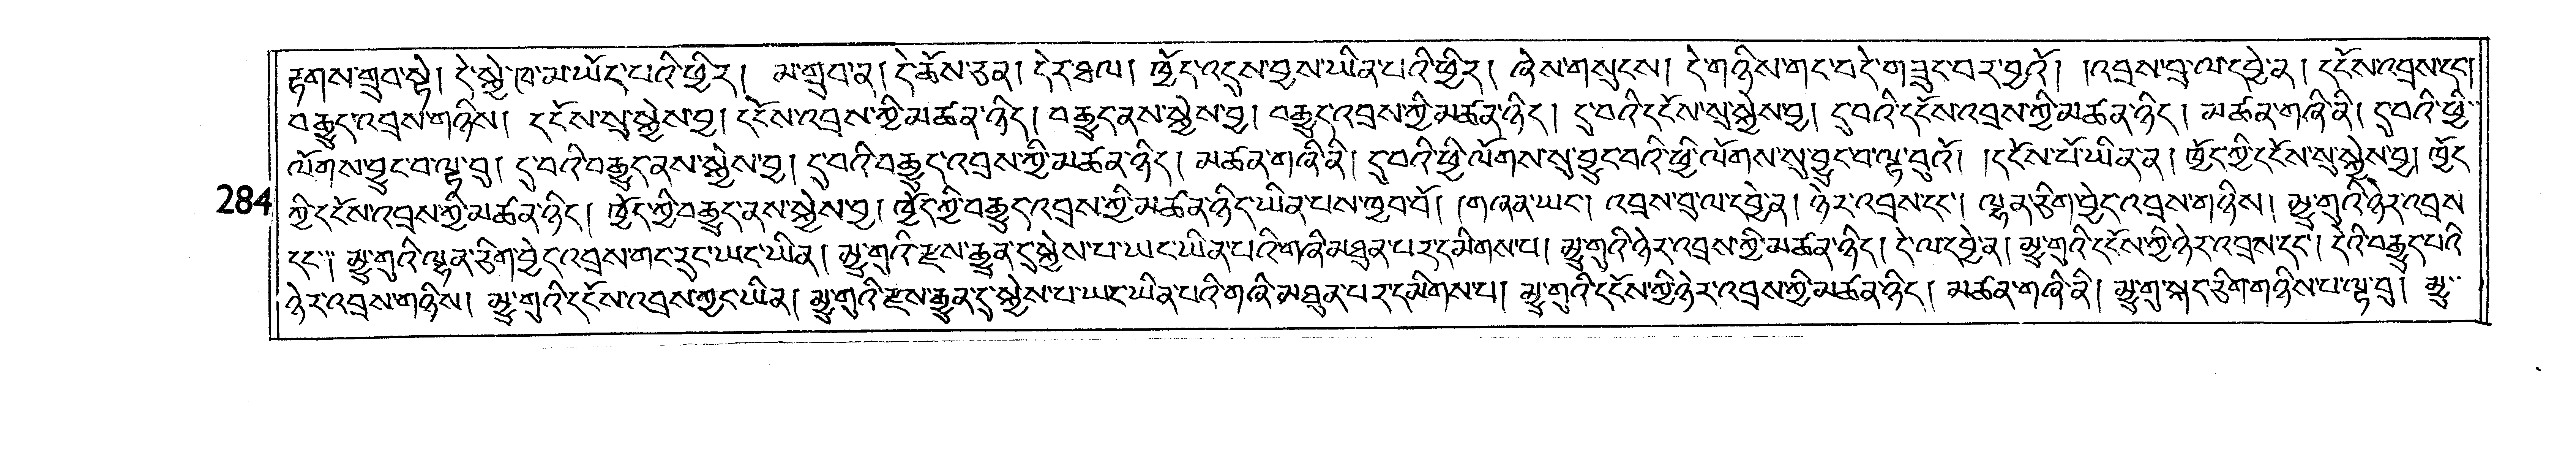རྟགས་གྲུབ་སྟེ། དེ་སྐྱེ་ཁ་མ་ཡོད་པའི་ཕྱིར། མ་གྲུབ་ན། དེ་ཆོས་ཅན། དེར་ཐལ། ཁྱོད་འདུས་བྱས་ཡིན་པའི་ཕྱིར། ཞེས་གསུངས། དེ་གཉིས་གང་བདེ་གཟུང་བར་བྱའོ། །འབྲས་བུ་ལ་དབྱེ་ན། དངོས་འབྲས་དང་།
བརྒྱུད་འབྲས་གཉིས། དངོས་སུ་སྐྱེས་བྱ། དངོས་འབྲས་ཀྱི་མཚན་ཉིད། བརྒྱུད་ནས་སྐྱེས་བྱ། བརྒྱུད་འབྲས་ཀྱི་མཚན་ཉིད། དྲ་བའི་དངོས་སུ་སྐྱེས་བྱ། དུ་བའི་དངོས་འབྲས་ཀྱི་མཚན་ཉིད། མཚན་གཞི་ནི། དུ་བའི་ཕྱི་
ལོགས་བྱུང་བ་ལྟ་བུ། དུ་བའི་བརྒྱུད་ནས་སྐྱེས་བྱ། དུ་བའི་བརྒྱུད་འབྲས་ཀྱི་མཚན་ཉིད། མཚན་གཞི་ནི། དུ་བའི་ཕྱི་ལོགས་སུ་བྱུང་བའི་ཕྱི་ལོགས་སུ་བྱུང་བ་ལྟ་བུའོ། །དངོས་པོ་ཡིན་ན། ཁྱོད་ཀྱི་དངོས་སུ་སྐྱེས་བྱ། ཁྱོད་
ཀྱི་དངོས་འབྲས་ཀྱི་མཚན་ཉིད། ཁྱོད་ཀྱི་བརྒྱུད་ནས་སྐྱེས་བྱ། ཁྱོད་ཀྱི་བརྒྱུད་འབྲས་ཀྱི་མཚན་ཉིད་ཡིན་པས་ཁྱབ་བོ། །གཞན་ཡང་། འབྲས་བུ་ལ་དབྱེ་ན། ཉེར་འབྲས་དང་། ལྷན་ཅིག་བྱེད་འབྲས་གཉིས། མྱུ་གུའི་ཉེར་འབྲས་
དང༑ མྱུ་གུའི་ལྷན་ཅིག་བྱེད་འབྲས་གང་རུང་ཡང་ཡིན། མྱུ་གུའི་རྫས་རྒྱུན་དུ་སྐྱེས་པ་ཡང་ཡིན་པའི་གཞི་མཐུན་པར་དམིགས་པ། མྱུ་གུའི་ཉེར་འབྲས་ཀྱི་མཚན་ཉིད། དེ་ལ་དབྱེ་ན། མྱུ་གུའི་དངོས་ཀྱི་ཉེར་འབྲས་དང་། དེའི་བརྒྱུད་པའི་
ཉེར་འབྲས་གཉིས། མྱུ་གུའི་དངོས་འབྲས་ཀྱང་ཡིན། མྱུ་གུའི་རྫས་རྒྱུན་དུ་སྐྱེས་པ་ཡང་ཡིན་པའི་གཞི་མཐུན་པར་དམིགས་པ། མྱུ་གུའི་དངོས་ཀྱི་ཉེར་འབྲས་ཀྱི་མཚན་ཉིད། མཚན་གཞི་ནི། མྱུ་གུ་སྐད་ཅིག་གཉིས་པ་ལྟ་བུ། མྱུ་